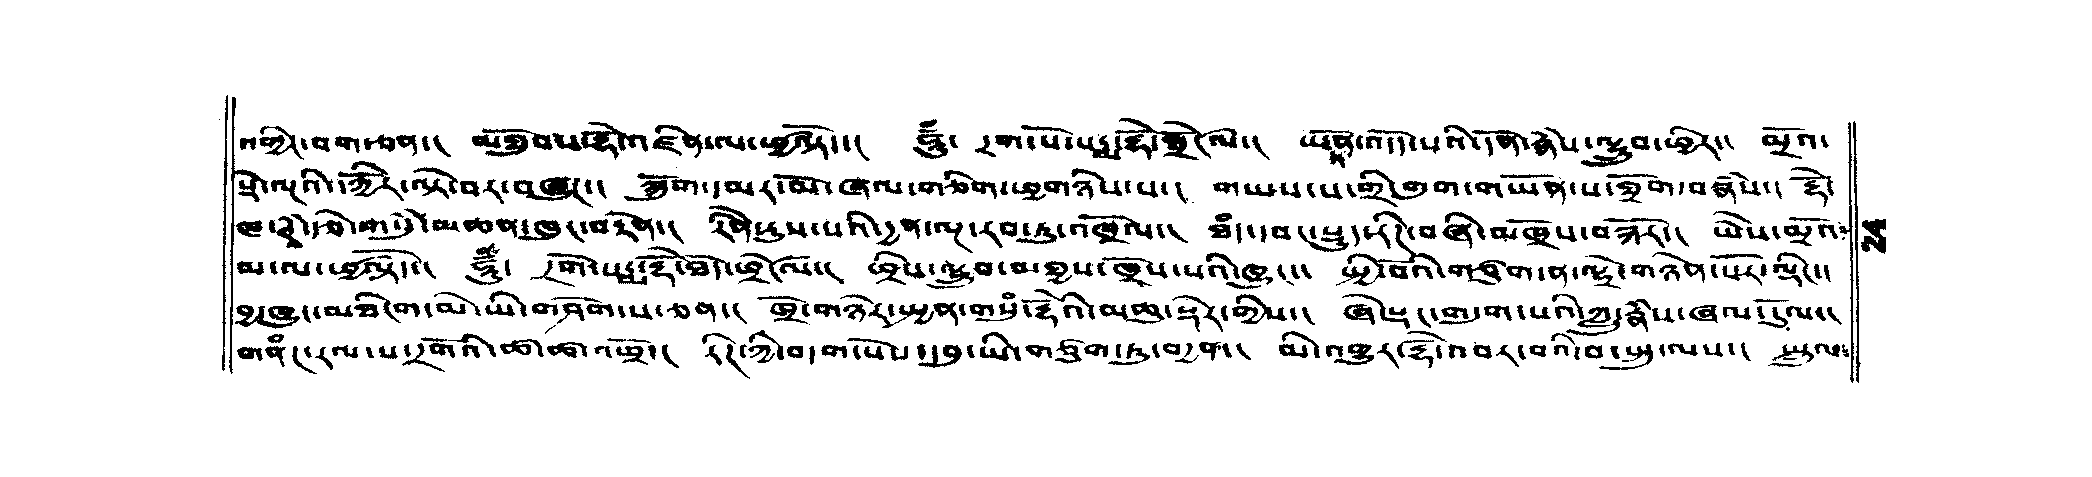འགྱིང་བག་ཅན། །མཐུ་སྟོབས་རྡོ་རྗེ་འཛིན་ལ་ཕྱག་འཚལ་བསྟོད། ། ཧཱུྃ། དྲག་པོ་པདྨ་ཐོད་ཕྲེང་རྩལ། ། ཡོན་ཏན་འདོད་པའི་དོན་རྣམས་ལྷུན་གྲུབ་ཕྱིར། །མཁའ་འགྲོ་
སྡེ་ལྔའི་དཀྱིལ་འཁོར་ལྟེ་བར་བཞུགས། །སྐུ་མདོག་དམར་མོ་ཞལ་གཅིག་ཕྱག་གཉིས་པ། །གཡས་པ་གྲི་གུག་གཡོན་པ་ཐོད་ཁྲག་བསྣམས། རྡོ་རྗེ་
ཁ་ཊྭཱཾ་རྩེ་གསུམ་མཆན་ཁུང་བརྟེན། །རིན་ཆེན་རུས་པའི་རྒྱན་ལྔ་རབ་ཏུ་འཁྲོལ། །ཐམས་ཅད་དབང་སྡུད་རིགས་བཞི་མཁའ་འགྲོས་བསྐོར། །ཡེ་ཤེས་མཁའ་འགྲོ་
མ་ལ་ཕྱག་འཚལ་བསྟོད། །ཧཱུྃ། དྲག་པོ་པདྨ་རྡོ་རྗེ་ཐོད་ཕྲེང་རྩལ། །ཕྲིན་ལས་ལྷུན་གྲུབ་མཐའ་ཡས་ཁྲོས་པའི་ཁྱུང་། །སྤྱི་བོའི་གཙུག་ན་ལྷ་འདྲེ་གཉེན་པོར་ལྡིང་། །
བྱ་ཁྱུང་མཐིང་ནག་མེ་ཡི་གཤོག་པ་ཅན། །ཁྲོ་གཉེར་སྤྱན་གསུམ་རྡོ་རྗེའི་མཆུ་སྡེར་གྱིས། །ཞེ་སྡང་གདུག་པའི་ཀླུ་རྣམས་ཞལ་དུ་གསོལ།། 
གནམ་ལྕགས་རལ་པ་དྲག་པོའི་ཚ་ཚ་འཕྲོ། །རིགས་ཀྱི་བདག་པོ་དབུ་ཡི་གཙུག་ཏུ་བརྒྱན། །མི་འགྱུར་རྡོ་རྗེ་འབར་བའི་བ་སྤུ་ལས། །སྤྲུལ་